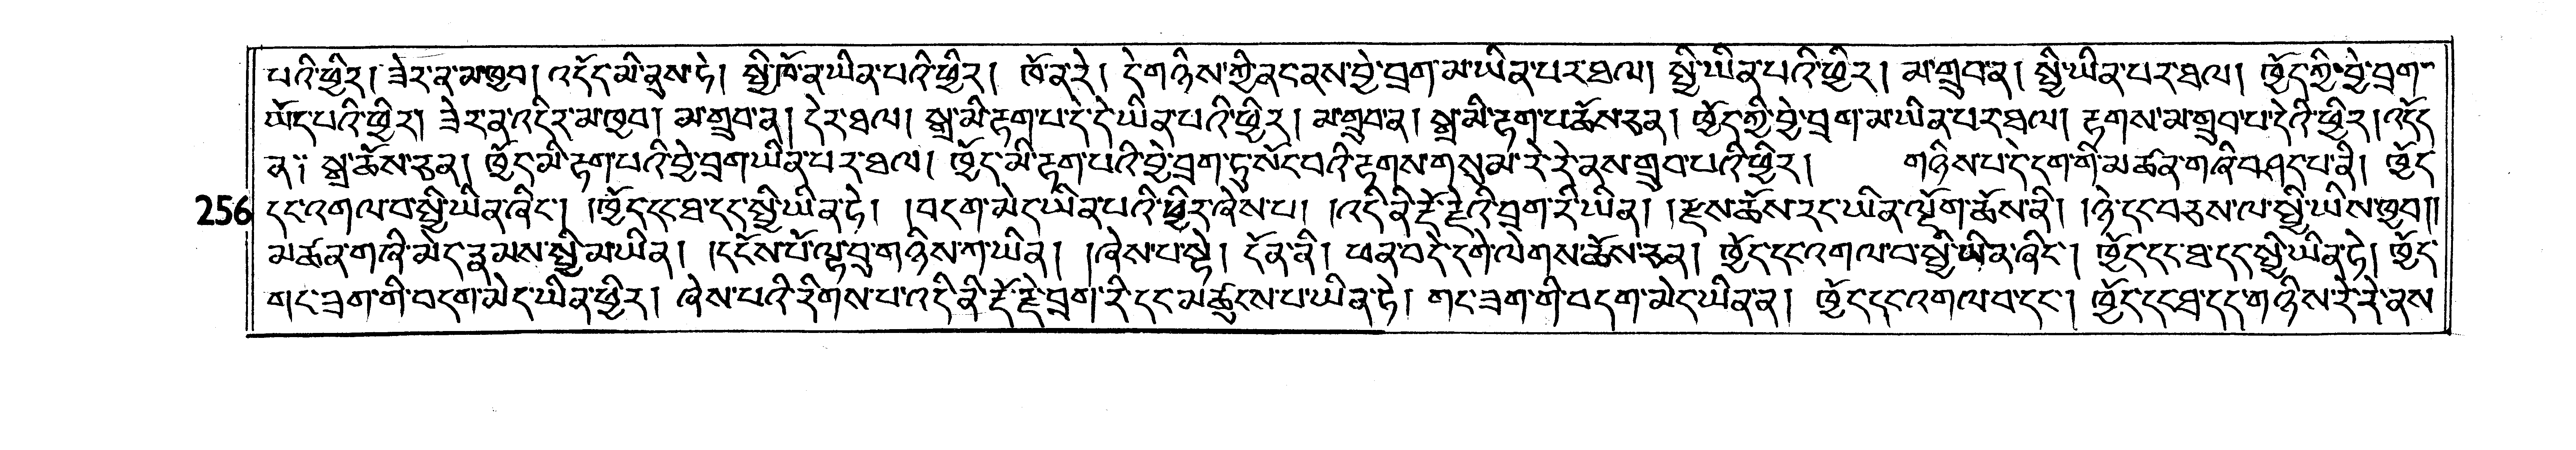པའི་ཕྱིར། ཟེར་ན་མ་ཁྱབ། འདོད་མི་ནུས་ཏེ། སྤྱི་ཁོ་ན་ཡིན་པའི་ཕྱིར། ཁོ་ན་རེ། དེ་གཉིས་ཀྱི་ནང་ནས་བྱེ་བྲག་མ་ཡིན་པར་ཐལ། སྤྱི་ཡིན་པའི་ཕྱིར། མ་གྲུབ་ན། སྤྱི་ཡིན་པར་ཐལ། ཁྱོད་ཀྱི་བྱེ་བྲག་
ཡོད་པའི་ཕྱིར། ཟེར་ན་འདིར་མ་ཁྱབ། མ་གྲུབ་ན། དེར་ཐལ། སྒྲ་མི་རྟག་པ་དེ་དེ་ཡིན་པའི་ཕྱིར། མ་གྲུབ་ན། སྒྲ་མི་རྟག་པ་ཆོས་ཅན། ཁྱོད་ཀྱི་བྱེ་བྲག་མ་ཡིན་པར་ཐལ། རྟགས་མ་གྲུབ་པ་དེའི་ཕྱིར། འདོད་
ན༑ སྒྲ་ཆོས་ཅན། ཁྱོད་མི་རྟག་པའི་བྱེ་བྲག་ཡིན་པར་ཐལ། ཁྱོད་མི་རྟག་པའི་བྱེ་བྲག་ཏུ་སོང་བའི་རྟགས་གསུམ་རེ་རེ་ནས་གྲུབ་པའི་ཕྱིར། གཉིས་པ་དེ་དག་གི་མཚན་གཞི་བཤད་པ་ནི། ཁྱོད་
དང་འགལ་བ་སྤྱི་ཡིན་ཞིང་། །ཁྱོད་དང་ཐ་དད་སྤྱི་ཡིན་ཏེ། །བདག་མེད་ཡིན་པའི་ཕྱིར་ཞེས་པ། །འདི་ནི་རྡོ་རྗེའི་བྲག་རི་ཡིན། །རྫས་ཆོས་རང་ཡིན་ལྡོག་ཆོས་ནི། །ཉེ་དང་བཅས་ལ་སྤྱི་ཡིས་ཁྱབ།།
མཚན་གཞི་མེད་རྣམས་སྤྱི་མ་ཡིན། །དངོས་པོ་ལྟ་བུ་གཉིས་ཀ་ཡིན། །ཞེས་པ་སྟེ། དོན་ནི། ཕན་བདེ་དགེ་ལེགས་ཆོས་ཅན། ཁྱོད་དང་འགལ་བ་སྤྱི་ཡིན་ཞིང་། ཁྱོད་དང་ཐ་དད་སྤྱི་ཡིན་ཏེ། ཁྱོད་
གང་ཟག་གི་བདག་མེད་ཡིན་ཕྱིར། ཞེས་པའི་རིགས་པ་འདི་ནི་རྡོ་རྗེ་བྲག་རི་དང་མཚུངས་པ་ཡིན་ཏེ། གང་ཟག་གི་བདག་མེད་ཡིན་ན། ཁྱོད་དང་འགལ་བ་དང་། ཁྱོད་དང་ཐ་དད་གཉིས་རེ་རེ་ནས་